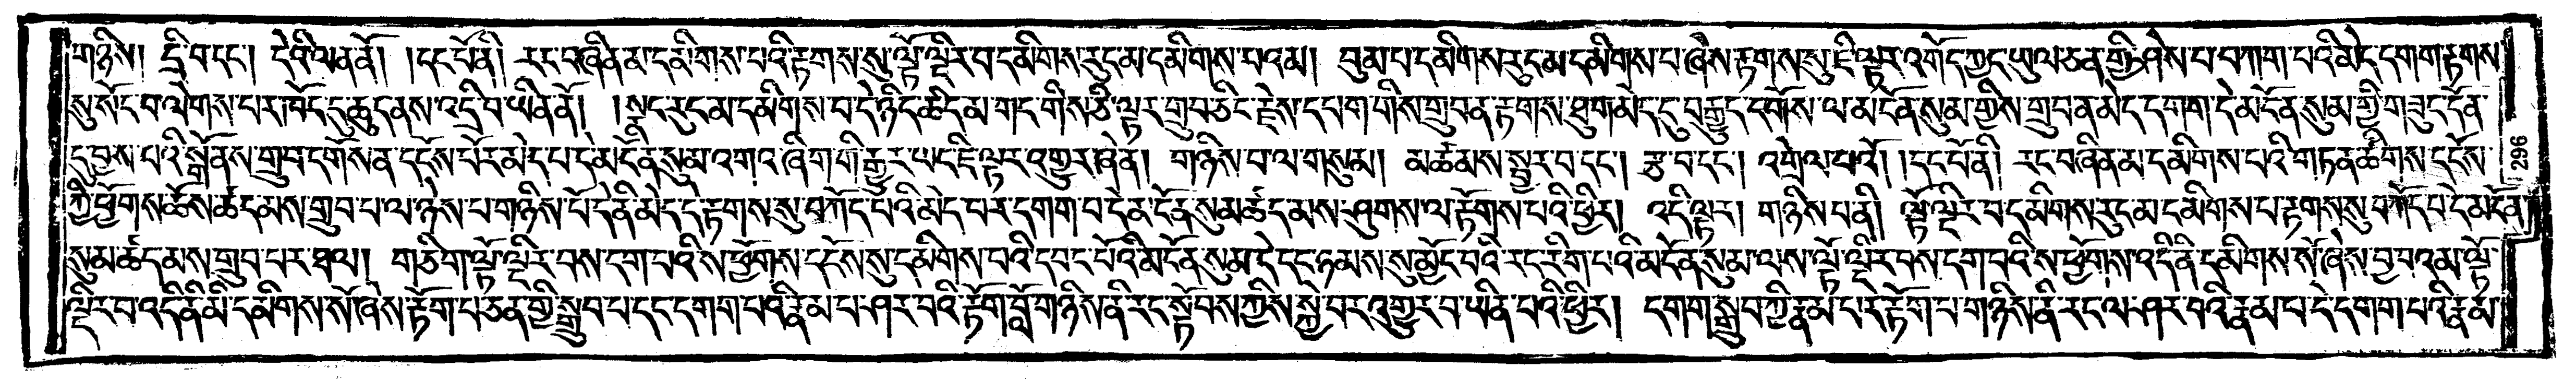གཉིས། དྲི་བ་དང་། དེའི་ལན་ནོ། །དང་པོ་ནི། རང་བཞིན་མ་དམིགས་པའི་རྟགས་སུ་ལྟོ་ལྡིར་བ་དམིགས་རུང་མ་དམིགས་པའམ། བུམ་པ་དམིགས་རུང་མ་དམིགས་པ་ཞེས་རྟགས་སུ་ཇི་ལྟར་འགོད་ཀྱང་ཡུལ་ཅན་གྱི་ཤེས་པ་བཀག་པའི་མེད་དགག་རྟགས་
སུ་སོང་བ་ལེགས་པར་ཁོང་དུ་ཆུང་ནས་འདྲི་བ་ཡིན་ནོ། །སྣང་རུང་མ་དམིགས་བ་དེ་ཉིད་ཚད་མ་གང་གིས་ཅི་ལྟར་གྲུབ་ཅིང་རྗེས་དཔག་གིས་གྲུབ་ན་རྟགས་ཐུག་མེད་དུ་བརྒྱུད་དགོས་ལ་མངོན་སུམ་གྱིས་གྲུབ་ན་མེད་དགག་དེ་མངོན་སུམ་གྱི་གཟུང་དོན་
དུ་བྱས་པའི་སྒོ་ནས་གྲུབ་དགོས་ན་དངོས་པོར་མེད་པ་དེ་མངོན་སུམ་འགའ་ཞིག་གི་རྒྱུར་ཡང་ཇི་ལྟར་འགྱུར་ཞེ་ན། གཉིས་པ་ལ་གསུམ། མཚམས་སྦྱར་བ་དང་། རྩ་བ་དང་། འགྲེལ་པའོ། །དང་པོ་ནི། རང་བཞིན་མ་དམིགས་པའི་གཏན་ཚིག་དངོས་
ཀྱི་ཕྱོགས་ཆོས་ཚད་མས་གྲུབ་པ་ལ་ཉེས་པ་གཉིས་པོ་དེ་ནི་མེད་དེ་རྟགས་སུ་བཀོད་པའི་མེད་པར་དགག་བ་དེ་མངོན་སུམ་ཚད་མས་ཤུགས་ལ་རྟོགས་པའི་ཕྱིར། འདི་ལྟར། གཉིས་པ་ནི། ལྟོ་ལྡིར་བ་དམིགས་རུང་མ་དམིགས་པ་རྟགས་སུ་བཀོད་པ་དེ་མངོན་
སུམ་ཚད་མས་གྲུབ་པར་ཐལ། གཅིག་ལྟོ་ལྡིར་བས་དག་པའི་ས་ཕྱོགས་དངོས་སུ་དམིགས་བའི་དབང་པོའི་མངོན་སུམ་དེ་དང་ཉམས་སུ་མྱོང་བའི་རང་རིག་པའི་མངོན་སུམ་ལས་ལྟོ་ལྡིར་བས་དག་བའི་ས་ཕྱོགས་འདི་ནི་དམིགས་སོ་ཞེས་བྱ་བའམ་ལྟོ་
ལྡིར་བ་འདི་ནི་མི་དམིགས་སོ་ཞེས་རྟོག་པ་ཅན་གྱི་སྒྲུབ་པ་དང་དགག་པའི་རྣམ་པ་ཤར་བའི་རྟོག་བློ་གཉིས་ནི་རང་སྟོབས་ཀྱིས་སྐྱེ་བར་འགྱུར་བ་ཡིན་པའི་ཕྱིར། དགག་སྒྲུབ་ཀྱི་རྣམ་པར་རྟོགས་པ་གཉིས་ནི་རང་ལ་ཤར་བའི་རྣམ་པ་དེ་དགག་པའི་རྣམ་